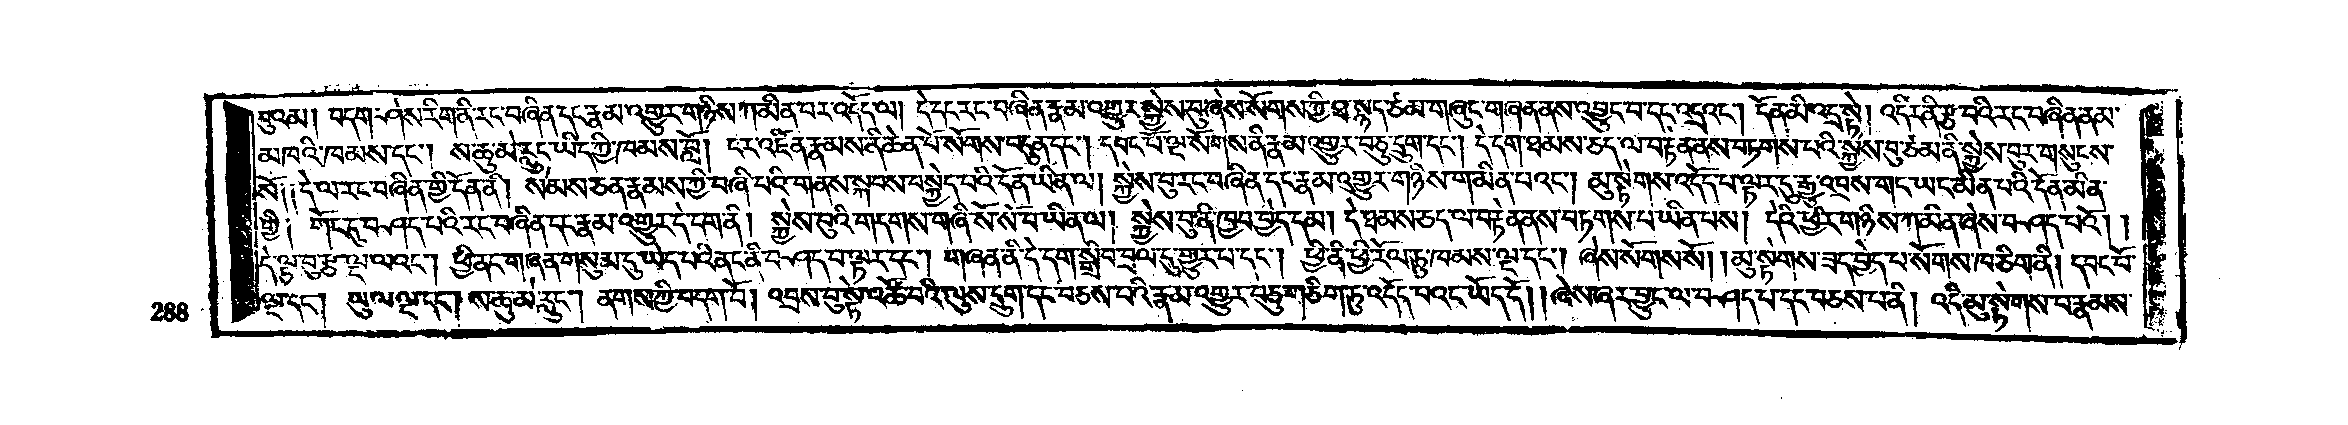བུའམ། བདག་ཤེས་རིག་ནི་རང་བཞིན་དང་རྣམ་འགྱུར་གཉིས་ཀ་མིན་པར་འདོད་ལ། དེ་དང་རང་བཞིན་རྣམ་འགྱུར་སྐྱེས་བུ་ཞེས་སོགས་ཀྱི་ཐ་སྙད་ཙམ་གཞུང་གཞན་ནས་འབྱུང་བ་དང་འདྲའང་། དོན་མི་འདྲ་སྟེ། འདིར་ནི་རྩ་བའི་རང་བཞིན་ནམ་
མཁའི་ཁམས་དང་། ས་ཆུ་མེ་རླུང་ཡིད་ཀྱི་ཁམས་བློ། ངར་འཛིན་རྣམས་ནི་ཆེན་པོ་སོགས་བདུན་དང་། དབང་པོ་ལྔ་སོགས་ནི་རྣམ་འགྱུར་བཅུ་དྲུག་དང་། དེ་དག་ཐམས་ཅད་ལ་བརྟེན་ནས་བཏགས་པའི་སྐྱེས་བུ་ཙམ་ནི་སྐྱེས་བུར་གསུངས་
སོ། །དེ་ལ་རང་བཞིན་གྱི་དོན་ནི། སེམས་ཅན་རྣམས་ཀྱི་བཞི་པའི་གནས་སྐབས་བསྐྱེད་པའི་དོན་ཡིན་ལ། སྐྱེས་བུ་རང་བཞིན་དང་རྣམ་འགྱུར་གཉིས་ག་མིན་པའང་། མུ་སྟེགས་འདོད་པ་ལྟར་དུ་རྒྱུ་འབྲས་གང་ཡང་མིན་པའི་དོན་མིན་
གྱི། གོང་དུ་བཤད་པའི་རང་བཞིན་དང་རྣམ་འགྱུར་དེ་དག་ནི། སྐྱེས་བུའི་གདགས་གཞི་སོ་སོ་བ་ཡིན་ལ། སྐྱེས་བུ་ནི་ཁྱབ་བྱེད་དམ། དེ་ཐམས་ཅད་ལ་བརྟེན་ནས་བཏགས་པ་ཡིན་པས། དེའི་ཕྱིར་གཉིས་ཀ་མིན་ཞེས་བཤད་པའོ། །
དེ་ལྟ་བུ་རྩ་ལྔ་ལའང་། ཕྱི་ནང་གཞན་གསུམ་དུ་ཡོད་པའི་ནང་ནི་བཤད་པ་ལྟར་དང་། གཞན་ནི་དེ་དག་སྒྲིབ་བྲལ་དུ་གྱུར་པ་དང་། ཕྱི་ནི་ཕྱི་རོལ་ཏུ་ཁམས་ལྔ་དང་། ཞེས་སོགས་སོ། །མུ་སྟེགས་ཟད་བྱེད་པ་སོགས་ཁ་ཅིག་ནི། དབང་པོ་
ལྔ་དང་། ཡུལ་ལྔ་དང་། ས་ཆུ་མེ་རླུང་། ནགས་ཀྱི་བདག་པོ། འབྲས་བུ་སྟེ་འཚོ་བའི་ལུས་དྲུག་དང་བཅས་པའི་རྣམ་འགྱུར་བཅུ་གཅིག་ཏུ་འདོད་པའང་ཡོད་དོ། །ཞེས་ཞར་བྱུང་ལ་བཤད་པ་དང་བཅས་པ་ནི། འདི་མུ་སྟེགས་པ་རྣམས་